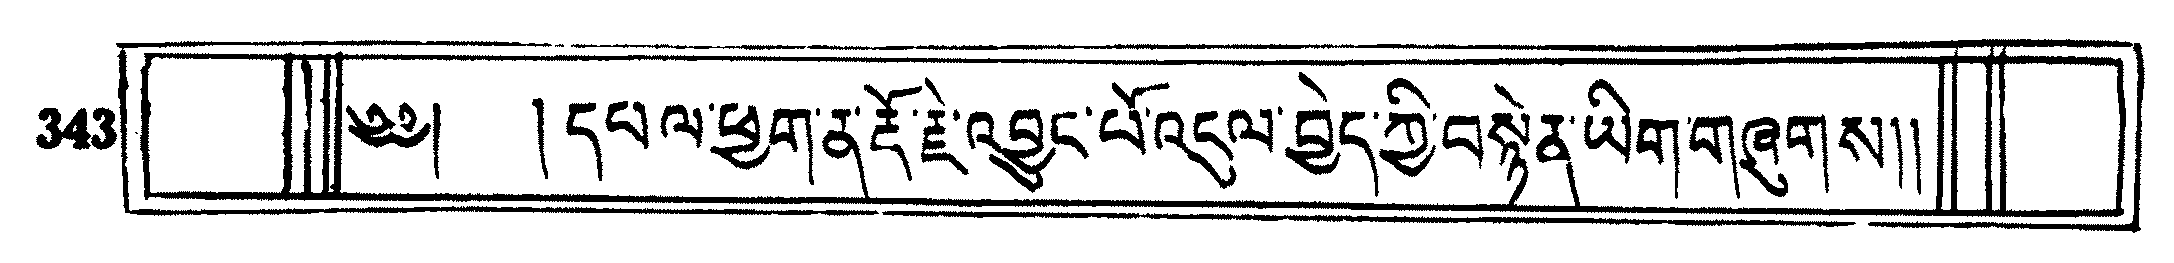༄༅། །དཔལ་ཕྱག་ན་རྡོ་རྗེ་འབྱུང་པོ་འདུལ་བྱེད་ཀྱི་བསྙེན་ཡིག་གཞུགས།།